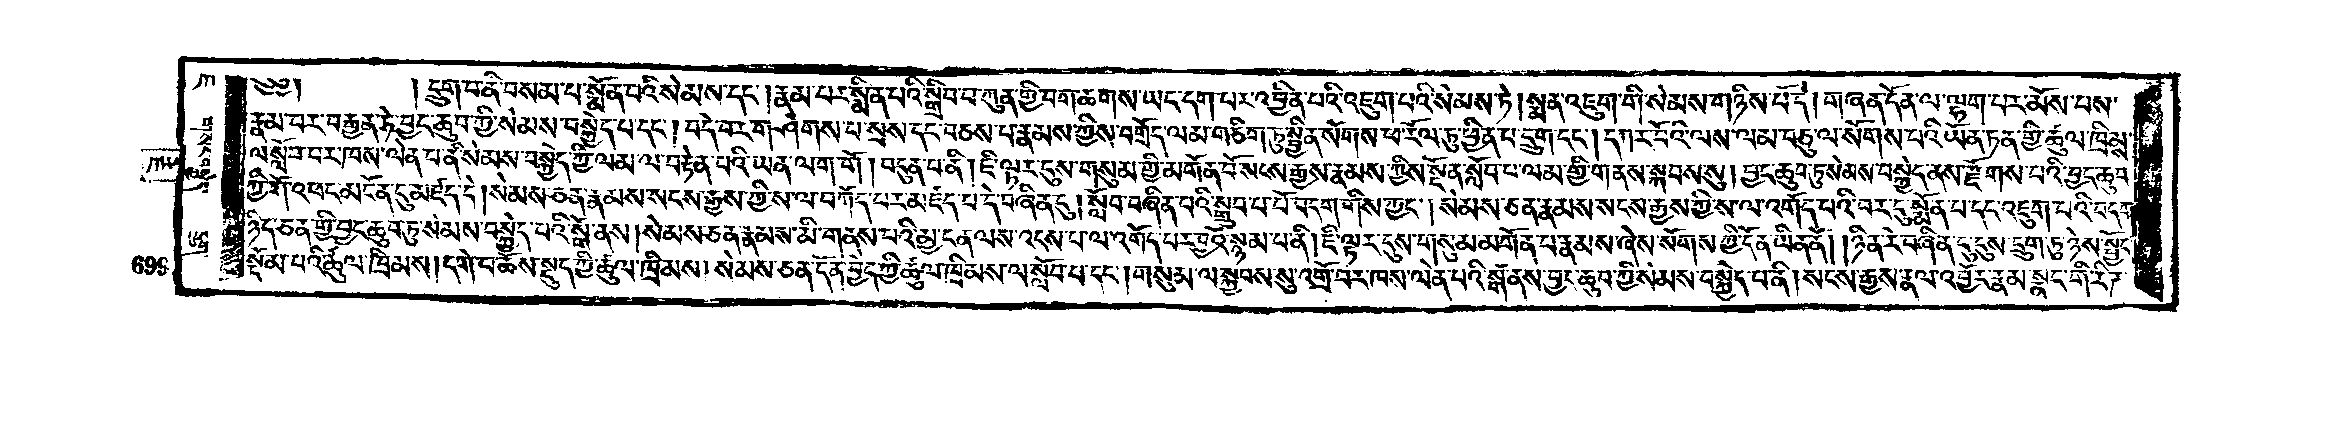༄༅། །དྲུག་པ་ནི་བསམ་པ་སྨོན་པའི་སེམས་དང་། རྣམ་པར་སྨིན་པའི་སྒྲིབ་པ་ཀུན་གྱི་བག་ཆགས་ཡང་དག་པར་འབྱིན་པའི་འཇུག་པའི་སེམས་ཏེ། སྨན་འཇུག་གི་སེམས་གཉིས་པོ་དེ། གཞན་དོན་ལ་ལྷག་པར་མོས་པས་
རྣམ་པར་བརྒྱན་ཏེ་བྱང་ཆུབ་ཀྱི་སེམས་བསྐྱེད་པ་དང་། བདེ་བར་གཤེགས་པ་སྲས་དང་བཅས་པ་རྣམས་ཀྱིས་བགྲོད་ལམ་གཅིག་ཏུ་སྦྱིན་སོགས་ཕ་རོལ་ཏུ་ཕྱིན་པ་དྲུག་དང་། དཀར་པོའི་ལས་ལམ་བཅུ་ལ་སོགས་པའི་ཡོན་ཏན་གྱི་ཚུལ་ཁྲིམས་
ལ་སློབ་པར་ཁས་ལེན་པ་ནི་སེམས་བསྐྱེད་ཀྱི་ལམ་ལ་བརྟེན་པའི་ཡན་ལག་གོ །བདུན་པ་ནི། ཇི་ལྟར་དུས་གསུམ་གྱི་མགོན་པོ་སངས་རྒྱས་རྣམས་ཀྱིས་སྔོན་སློབ་པ་ལམ་གྱི་གནས་སྐབས་སུ། བྱང་ཆུབ་ཏུ་སེམས་བསྐྱེད་ནས་རྫོགས་པའི་བྱང་ཆུབ་
ཀྱི་གོ་འཕང་མངོན་དུ་མཇད་དེ། སེམས་ཅན་རྣམས་སངས་རྒྱས་ཀྱི་ས་ལ་བཀོད་པར་མཛད་པ་དེ་བཞིན་དུ། སློབ་བཞིན་པའི་སྒྲུབ་པ་པོ་བདག་གིས་ཀྱང་། སེམས་ཅན་རྣམས་སངས་རྒྱས་ཀྱི་ས་ལ་འགོད་པའི་བར་དུ་སྨོན་པ་དང་འཇུག་པའི་བདག་
ཉིད་ཅན་གྱི་བྱང་ཆུབ་ཏུ་སེམས་བསྐྱེད་པའི་སྒོ་ནས། སེམས་ཅན་རྣམས་མི་གནས་པའི་མྱ་ངན་ལས་འདས་པ་ལ་འགོད་པར་བྱའོ་སྙམ་པ་ནི། ཇི་ལྟར་དུས་གསུམ་མགོན་པ་རྣམས་ཞེས་སོགས་ཀྱི་དོན་ཡིན་ནོ། །ཉིན་རེ་བཞིན་དུ་དུས་དྲུག་ཏུ་ཉེས་སྤྱོད་
སྡོམ་པའི་ཚུལ་ཁྲིམས། དགེ་བ་ཆོས་སྡུད་ཀྱི་ཚུལ་ཁྲིམས། སེམས་ཅན་དོན་བྱེད་ཀྱི་ཚུལ་ཁྲིམས་ལ་སློབ་པ་དང་། གསུམ་ལ་སྐྱབས་སུ་འགྲོ་བར་ཁས་ལེན་པའི་སྒོ་ནས་བྱང་ཆུབ་ཀྱི་སེམས་བསྐྱེད་པ་ནི། སངས་རྒྱས་རྣལ་འབྱོར་རྣམ་སྣང་གི་རིཌ་